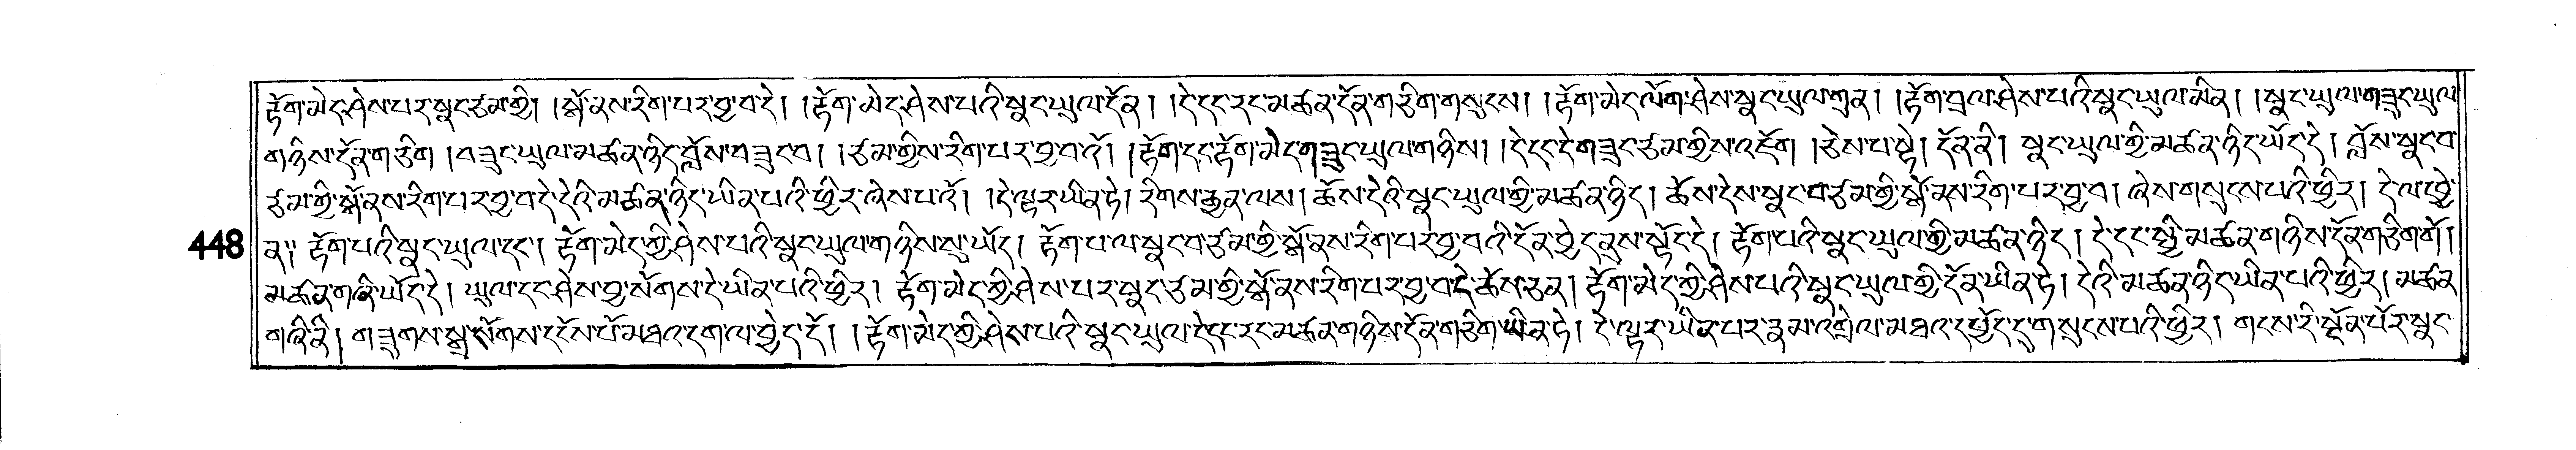རྟོག་མེད་ཤེས་པར་སྣང་ཙམ་གྱི། །སྒོ་ནས་རིག་པར་བྱ་བ་དེ། །རྟོག་མེད་ཤེས་པའི་སྔོན་ཡུལ་དོན། །དེ་དང་རང་མཚན་དོན་གཅིག་གསུངས། །རྟོག་མེད་ལོག་ཤེས་སྣང་ཡུལ་ཀུན། །རྟོག་བྲལ་ཤེས་པའི་སྣང་ཡུལ་མིན། །སྣང་ཡུལ་གཟུང་ཡུལ་
གཉིས་དོན་གཅིག །བཟུང་ཡུལ་མཚན་ཉིད་བློས་བཟུང་བ། །ཙམ་གྱིས་རིག་པར་བྱ་བའོ། །རྟོག་དང་རྟོག་མེད་ཟུང་ཡུལ་གཉིས། །དེ་དང་དེ་གཟུང་ཙམ་གྱིས་འཇོག །ཅེས་པ་སྟེ། དོན་ནི། སྣང་ཡུལ་གྱི་མཚན་ཉིད་ཡོད་དེ། བློས་སྣང་བ་
ཙམ་གྱི་སྒོ་ནས་རིག་བར་བྱ་བ་དེ་དེའི་མཚན་ཉིད་ཡིན་པའི་ཕྱིར་ཞེས་པའོ། །དེ་ལྟར་ཡིན་ཏེ། རིགས་རྒྱན་ལས། ཆོས་དེའི་སྣང་ཡུལ་གྱི་མཚན་ཉིད། ཆོས་དེས་སྣང་བཙམ་གྱི་སྒོ་ནས་རིག་པར་བྱ་བ། ཞེས་གསུངས་པའི་ཕྱིར། དེ་ལ་དབྱེ་
ན༑ རྟོག་པའི་སྣང་ཡུལ་དང་། རྟོག་མེད་ཀྱི་ཤེས་པའི་སྣང་ཡུལ་གཉིས་སུ་ཡོད། རྟོག་པ་ལ་སྣང་བ་ཙམ་གྱི་སྒོ་ནས་རིག་པར་བྱ་བའི་དོན་བྱེད་ནུས་སྟོང་དེ། རྟོག་པའི་སྣང་ཡུལ་གྱི་མཚན་ཉིད། དེ་དང་སྦྱི་མཚན་གཉིས་དོན་གཅིག་གོ།
མཚན་གཞི་ཡོད་དེ། ཡུལ་དང་ཤེས་བྱ་སོགས་དེ་ཡིན་པའི་ཕྱིར། རྟོག་མེད་ཀྱི་ཤེས་པར་སྣང་ཙམ་གྱི་སྒོ་ནས་རིག་པར་བྱ་བ་དེ་ཆོས་ཅན། རྟོག་མེད་ཀྱི་ཤེས་པའི་སྣང་ཡུལ་གྱི་དོན་ཡིན་ཏེ། དེའི་མཚན་ཉིད་ཡིན་པའི་ཕྱིར། མཚན་
གཞི་ནི། གཟུགས་སྒྲ་སོགས་དངོས་པོ་མཐའ་དག་ལ་བྱེད་དོ། །རྟོག་མེད་ཀྱི་ཤེས་པའི་སྣང་ཡུལ་དེ་དང་རང་མཚན་གཉིས་དོན་གཅིག་ཡིན་ཏེ། དེ་ལྟར་ཡིན་པར་རྣམ་འགྲེལ་མཐའ་དཔྱོད་དུ་གསུངས་བའི་ཕྱིར། གངས་རི་སྔོན་པོར་སྣང་